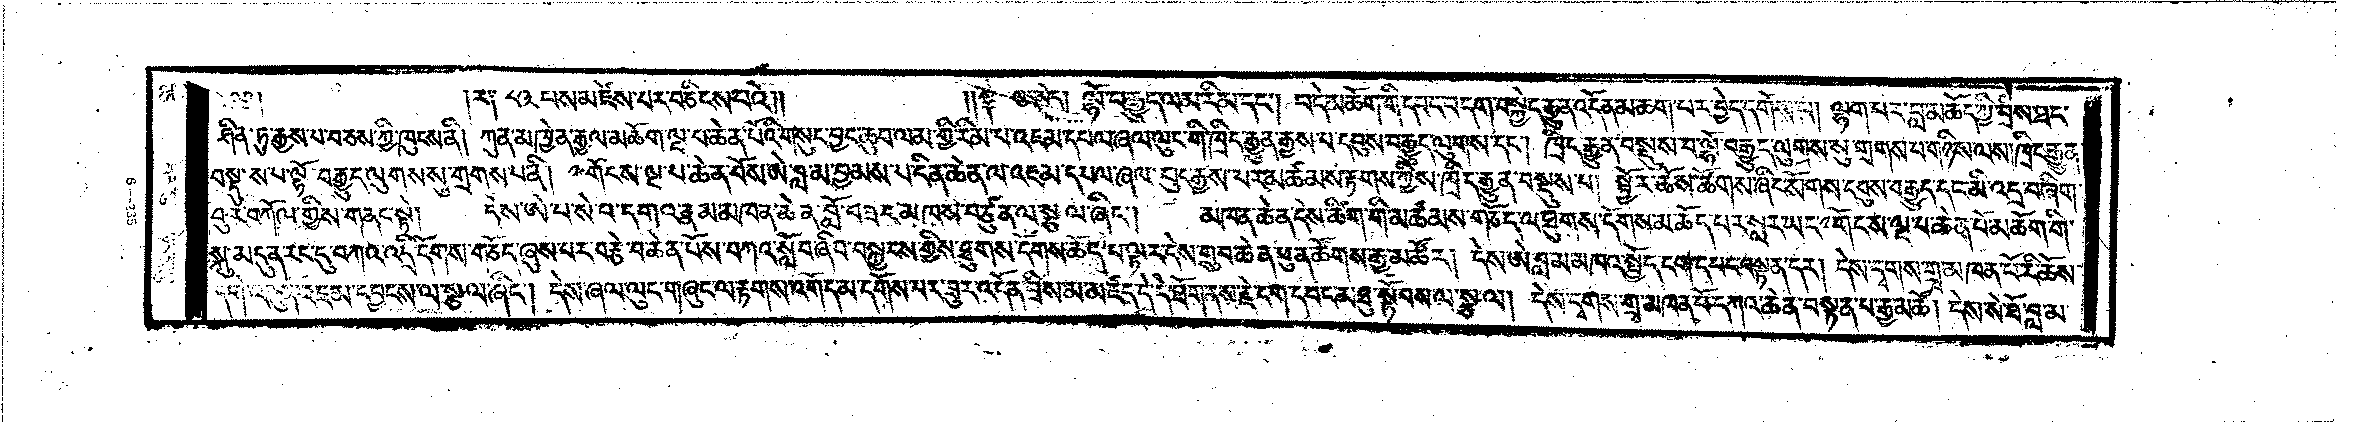༄༅། །ར༑ ༨༣་པས་མཛེས་པར་བཅིངས་པའོ།། །།༈ ལྷོ་བརྒྱུད་ལམ་རིམ་དང་། ལུང་མེད།  བདེ་མཆོག་གི་དབང་བདག་བསྐྱེད་རྒྱུན་འདོན་མཆོག་བར་བྱེད་དགོས་བ། ལྷག་བར་བླ་མཆོད་ཀྱི་བྲིས་ཐང་
ཤིན་ཏུ་རྒྱས་པ་བཅས་ཀྱི་ཁུངས་ནི། ཀུན་མཁྱེན་རྒྱལ་མཆོག་ལྔ་པ་ཆེན་པོའི་གསུང་བྱང་ཆུབ་ལམ་གྱི་རིམ་པ་འཇམ་དཔལ་ཞལ་ལུང་གི་ཁྲི་རྒྱུན་རྒྱས་པ་དབུས་བརྒྱུད་ལུགས་དང་། ཁྲིད་རྒྱུན་བསྡུས་བ་ལྷོ་བརྒྱུད་ལུགས་སུ་གྲགས་པ་གཉིས་ལས་ཁྲིད་རྒྱུན་
བསྡུ་ས་པ་ལྷོ་བརྒྱུད་ལུགས་སུ་གྲགས་པ་ནི། ༈གོང་ས་ལྔ་པ་ཆེན་པོས་ཨེ་བླ་མ་བྱམས་པ་དིན་ཆེན་ལ་འཇམ་དཔལ་ཞལ་བུད་རྒྱས་པར་མཚམས་རྟགས་ཀྱིས་ཁྲིད་རྒྱུན་བསྡུས་པ། སྦྱོར་ཆོས་ཚོགས་ཞིང་སོགས་དབུས་བརྒྱུད་དང་མི་འདྲ་བཞིག་
བུར་བཀོལ་གྱིས་གནང་སྟེ། དེས་ཨེ་པ་སེ་བ་དགའ་རྣམ་མཁན་ཆེན་བློ་བཟང་མཁས་བཙུན་ལ་སྩལ་ཞིང་། མཁན་ཆེན་དེས་ཚིག་གིས་མཚམས་གཅོད་ལ་ཐུགས་དགོས་མཆོད་པར་སླར་ཡང་༈གོང་ས་ལྔ་པ་ཆེན་པོ་མཆོག་གི་
སྐུ་མདུན་རང་དུ་བཀའ་འདྲི་དོགས་གཅོད་ཞུས་པར་བརྩེ་བ་ཆེན་པོས་བཀའ་སློབ་ཞིབ་སྐྱངས་གྱིས་ཐུགས་དོགས་ཆོད་བ་ལྟར་དེས་གྲུབ་ཆེན་ཕུན་ཚོགས་རྒྱ་མཚོར། དེས་ཨེ་བླ་མ་མཁའ་སྤྱོད་དག་དབང་བསྟན་དར། དེས་དགས་ག་མཁན་པོ་རི་ཆོས་
དགེ་འདུན་འཇམ་དབྱངས་ལ་སྩལ་ཞིང་། དེས་ཞལ་ལུང་གཞུང་ལ་རྟགས་འགོ་དམ་དགོས་བར་ཟུར་འདོན་ཟིས་མ་མཛད་དེ་དེ་ཐོག་ནས་རྗེ་དག་དབང་མཐུ་སྟོབས་ལ་སྩལ། དེས་དྭགས་གྲྭ་མཁན་པོ་དཀའ་ཆེན་བསྟན་པ་རྒྱ་མཚོ། དེས་སོ་ཐོ་བླ་མ་